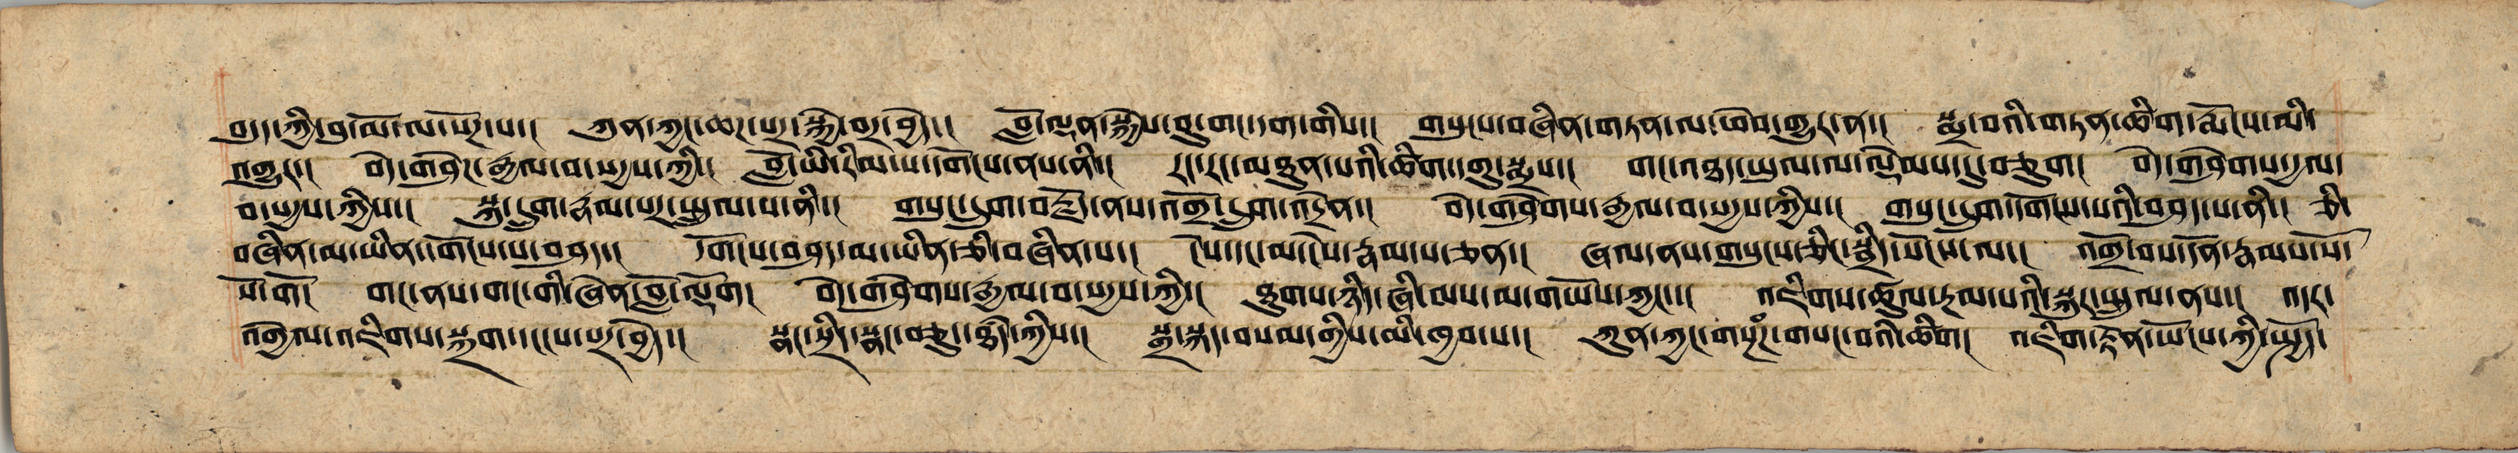བདུད་ཀྱི་བུ་མོ་ལ་སོཌ་པ་། ཀུན་ཀྱང་ཆཌ་པར་སྐྱེ་བར་བྱེད་། བློ་ལྡན་སྐྱེས་བུ་གང་དག་གིས་། གསུངས་བཞིན་གཏན་ལ་ཕེབ་གྱུར་ན་། སྨྲ་བའི་གཏན་ཚིག་རྨོངས་མི་
འགྱུར་། བདེ་གཤེཌ་རྒྱལ་བ་སདྱས་ཀྱི་། བློ་ཡི་རིམ་པ་དགོངས་ནས་ནི་། རང་རང་མཐུན་པའི་ཚིག་དགུ་སྨྲས་། གང་འཐད་ཡུལ་ལ་ལྡེམས་དུ་བཅུག། བདེ་གཤེགས་དྱལ་
བ་སདྱས་ཀྱིས་། སྐུ་དྲུག་རྣམ་པར་སྤྲུལ་པ་ནི་། གསུང་དྲུག་བརྗོད་ནས་འགྲོ་དྲུག་འདྲེན་། བདེ་གཤེགས་རྒྱལ་བ་སདྱས་ཀྱིས་། གསུང་དྲུག་དགོངས་པའི་བཤད་པ་ནི་། ཅི་
བཞིན་མ་ཡིན་དགོངས་པ་བཤད་། དགོངས་བཤད་མ་ཡིན་ཅི་བཞིན་པ་། ངེས་དང་མ་ངེས་རྣམ་པ་ཅན་། ཞལ་ནས་གསུངས་ཅིང་སྦྲིད་སོངས་ལ་། འགྲོ་བས་དོན་རྣམས་སོ་
སོ་གོང གང་ནས་གང་གི་ཞེན་བློ་ལྡོག། བདེ་གཤེགས་རྒྱལ་བ་སདྱས་ཀྱི་། ཐུགས་ཉིད་ཞི་བས་མ་གཡོས་ཀྱང་་། འཇིགས་ཚུལ་རྔམ་པའི་སྐུར་སྤྲུལ་ནས་། འདར་
འགྱེལ་འཇིགས་སྐྲག་དངངས་པར་བྱེད་། སྣང་སྲིད་སྣང་བཅུད་ཐཾད་ཀྱིས་། སྒྲ་སྐད་བསམ་གྱིས་མི་ཁྱབ་པ་། ཀུན་ཀྱང་གསྔཾཌ་གསང་བའི་ཚིག། འཇིག་རྟེན་ཡོངས་ཀྱི་སྤྱོད་